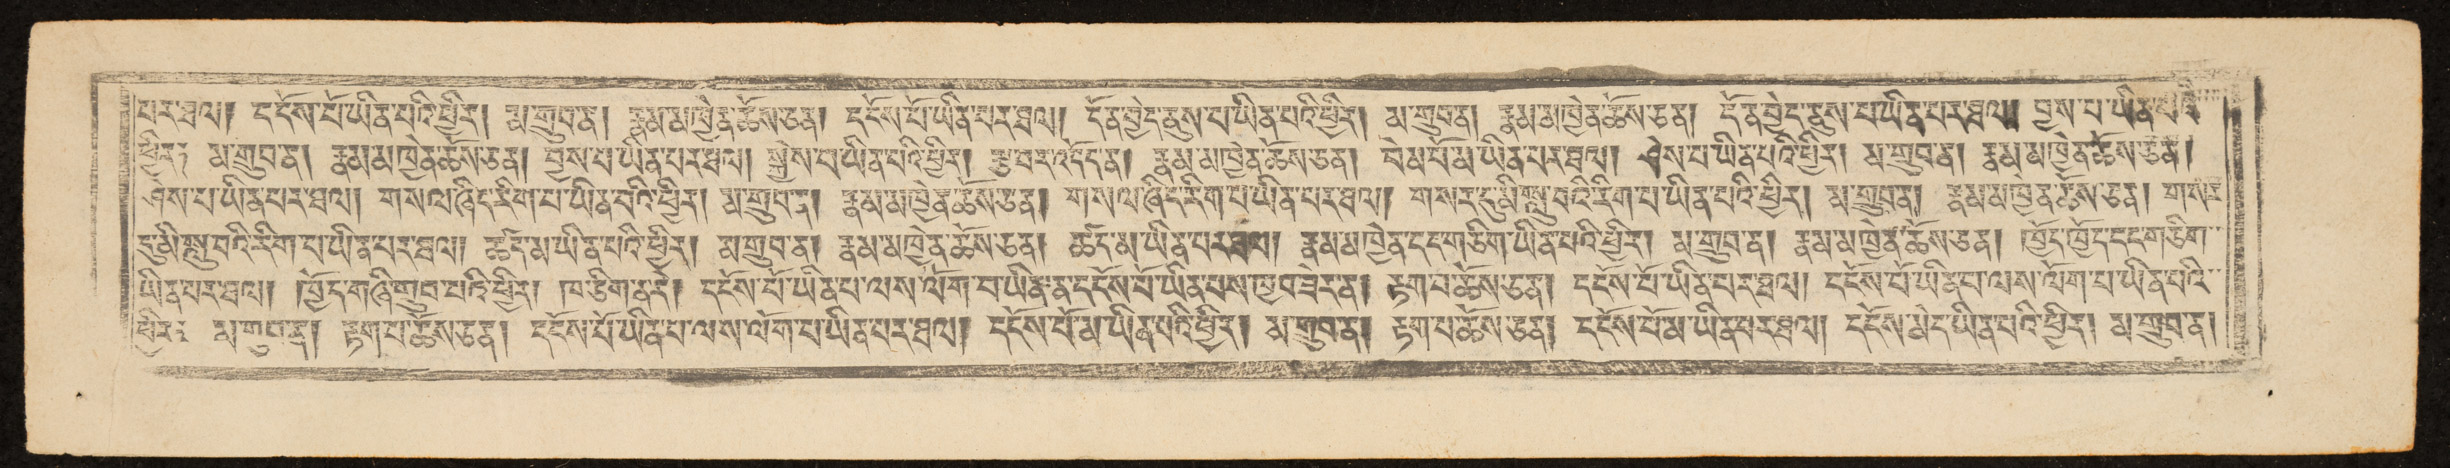པར་ཐལ། དངོས་པོ་ཡིན་པའི་ཕྱིར། མ་གྲུབ་ན། རྣམ་མཁྱེན་ཆོས་ཅན། དངོས་པོ་ཡིན་པར་ཐལ། དོན་བྱེད་ནུས་པ་ཡིན་པའི་ཕྱིར། མ་གྲུབ་ན། རྣམ་མཁྱེན་ཆོས་ཅན། དོན་བྱེད་ནུས་པ་ཡིན་པར་ཐལ། བྱས་པ་ཡིན་པའི་
ཕྱིར། མ་གྲུབ་ན། རྣམ་མཁྱེན་ཆོས་ཅན། བྱས་པ་ཡིན་པར་ཐལ། སྐྱེས་པ་ཡིན་པའི་ཕྱིར། རྩ་བར་འདོད་ན། རྣམ་མཁྱེན་ཆོས་ཅན། བེམ་པོ་མ་ཡིན་པར་ཐལ། ཤེས་པ་ཡིན་པའི་ཕྱིར། མ་གྲུབ་ན། རྣམ་མཁྱེན་ཆོས་ཅན།
ཤེས་པ་ཡིན་པར་ཐལ། གསལ་ཞིང་རིག་པ་ཡིན་པའི་ཕྱིར། མ་གྲུབ་ན། རྣམ་མཁྱེན་ཆོས་ཅན། གསལ་ཞིང་རིག་པ་ཡིན་པར་ཐལ། གསར་དུ་མི་སླུ་བའི་རིག་པ་ཡིན་པའི་ཕྱིར། མ་གྲུབ་ན། རྣམ་མཁྱེན་ཆོས་ཅན། གསར་
དུ་མི་སླུ་བའི་རིག་པ་ཡིན་པར་ཐལ། ཚད་མ་ཡིན་པའི་ཕྱིར། མ་གྲུབ་ན། རྣམ་མཁྱེན་ཆོས་ཅན། ཚད་མ་ཡིན་པར་ཐལ། རྣམ་མཁྱེན་དང་གཅིག་ཡིན་པའི་ཕྱིར། མ་གྲུབ་ན། རྣམ་མཁྱེན་ཆོས་ཅན། ཁྱོད་ཁྱོད་དང་གཅིག་
ཡིན་པར་ཐལ། ཁྱོད་གཞི་གྲུབ་པའི་ཕྱིར། ཁ་ཅིག་ན་རེ། དངོས་པོ་ཡིན་པ་ལས་ལོག་པ་ཡིན་ན་དངོས་པོ་ཡིན་པས་ཁྱབ་ཟེར་ན། རྟག་པ་ཆོས་ཅན། དངོས་པོ་ཡིན་པར་ཐལ། དངོས་པོ་ཡིན་པ་ལ་ལོག་པ་ཡིན་པའི་
ཕྱིར། མ་གྲུབ་ན། རྟག་ཆོས་ཅན། དངོས་པོ་ཡིན་པ་ལས་ལོག་པ་ཡིན་པར་ཐལ། དངོས་པོ་མ་ཡིན་པའི་ཕྱིར། མ་གྲུབ་ན། རྟག་པ་ཆོས་ཅན། དངོས་པོ་མ་ཡིན་པར་ཐལ། དངོས་མེད་ཡིན་པའི་ཕྱིར། མ་གྲུབ་ན།